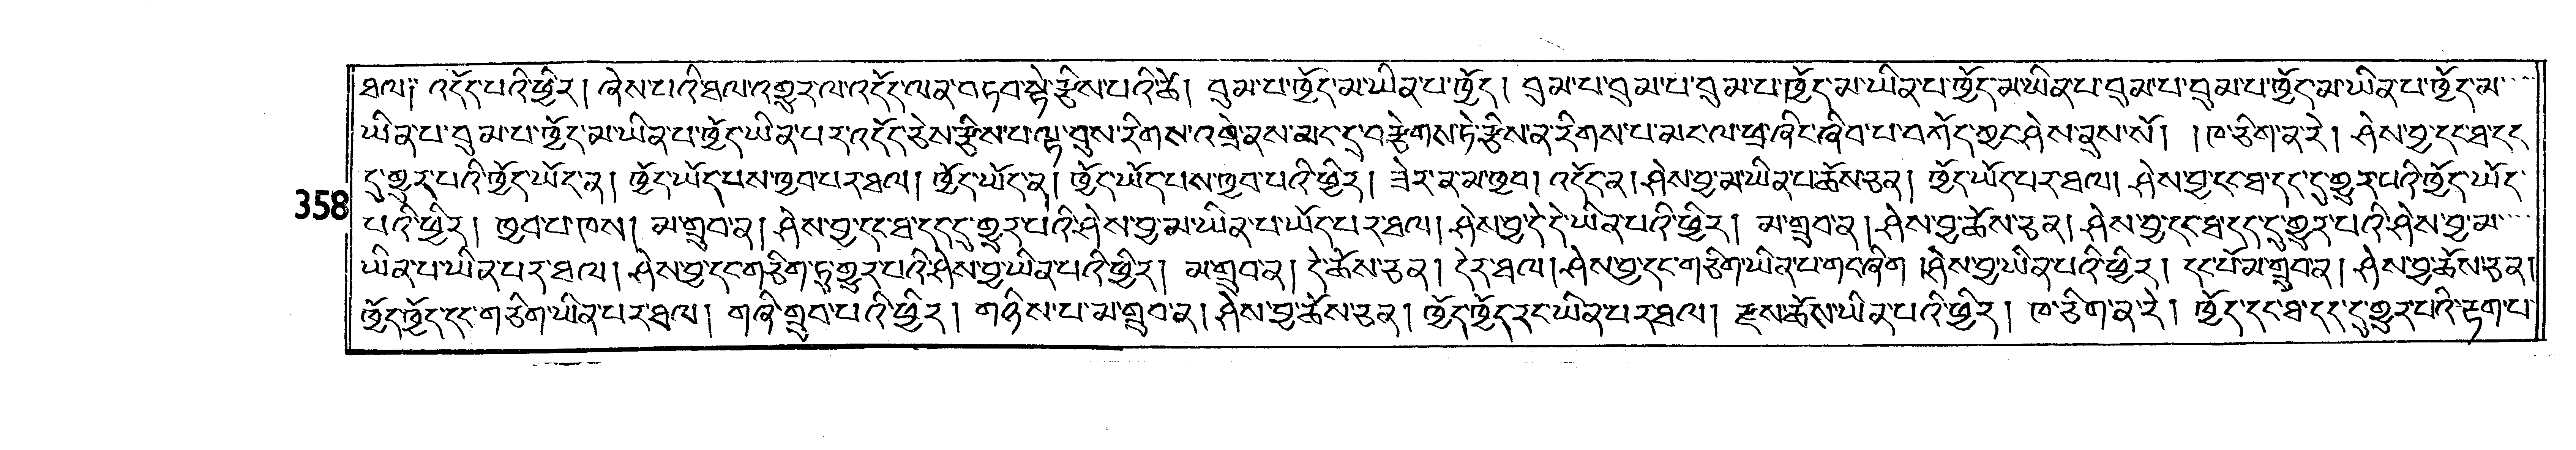ཐལ༑ འདོད་པའི་ཕྱིར། ཞེས་པའི་ཐལ་འགྱུར་ལ་འདོད་ལན་བཏབ་སྟེ་རྩིས་པའི་ཚེ། བུམ་པ་ཁྱོད་མ་ཡིན་པ་ཁྱོད། བུམ་པ་བུམ་པ་བུམ་པ་ཁྱོད་མ་ཡིན་པ་ཁྱོད་མ་ཡིན་པ་བུམ་པ་བུམ་པ་ཁྱོད་མ་ཡིན་པ་ཁྱོད་མ་
ཡིན་པ་བུམ་པ་ཁྱོད་མ་ཡིན་པ་ཁྱོད་ཡིན་པར་འདོད་ཅེས་རྩིས་པ་ལྟ་བུ་སྲིགས་འགྲེ་ནས་མང་དུ་བརྩེགས་ཏེ་རྩིས་ན་རིགས་པ་མང་ལ་ཕྲ་ཞིང་ཞིབ་པ་བཀོད་ཀྱང་ཤེས་ནུས་སོ། །ཁ་ཅིག་ན་རེ། ཤེས་བྱ་དང་ཐ་དང་
དུ་གྱུར་པའི་ཁྱོད་ཡོང་ན། ཁྱོད་ཡོད་པས་ཁྱབ་པར་ཐལ། ཁྱོད་ཡོད་ན། ཁྱོད་ཡོད་པས་ཁྱབ་པའི་ཕྱིར། ཟེར་ན་མ་ཁྱབ། འདོད་ན། ཤེས་བྱ་མ་ཡིན་པ་ཆོས་ཅན། ཁྱོད་ཡོ་པར་ཐལ། ཤེས་བྱ་དང་ཐ་དང་དུ་གྱུར་བའི་ཁྱོད་ཡོད་
པའི་ཕྱིར། ཁྱབ་པ་ཁས། མ་གྲུབ་ན། ཤེས་བྱ་དང་ཐ་དང་དུ་གྱུར་པའི་ཤེས་བྱ་མ་ཡིན་པ་ཡོད་པར་ཐལ། ཤེས་བྱ་དེ་དེ་ཡིན་པའི་ཕྱིར། མ་གྲུབ་ན། ཤེས་བྱ་ཆོ་ཅན། ཤེས་བྱ་དང་ཐ་དད་དུ་གྱུར་པའི་ཤེས་བྱ་མ་
ཡིན་པ་ཡིན་པར་ཐལ། ཤེས་བྱ་དང་གཅིག་ཏུ་གྱུར་པའི་ཤེས་བྱ་ཡིན་པའི་ཕྱིར། མ་གྲུབ་ན། དེ་ཆོས་ཅན། དེར་ཐལ། ཤེས་བྱ་དང་གཅིག་ཡིན་པ་གང་ཞིག །ཤེས་བྱ་ཡིན་པའི་ཕྱིར། དང་པོ་མ་གྲུབ་ན། ཤེས་བྱ་ཆོས་ཅན་
ཁྱོད་ཁྱོད་དང་གཅིག་ཡིན་པར་ཐལ། གཞི་གྲུབ་པའི་ཕྱིར། གཉིས་པ་མ་གྲུབ་ན། ཤེས་བྱ་ཆོས་ཅན། ཁྱོད་ཁྱོད་རང་ཡིན་པར་ཐལ། རྫས་ཆོས་ཡིན་པའི་ཕྱིར། ཁ་ཅིག་ན་རེ། ཁྱོད་དང་ཐ་དད་དུ་གྱུར་པའི་རྟག་པ་